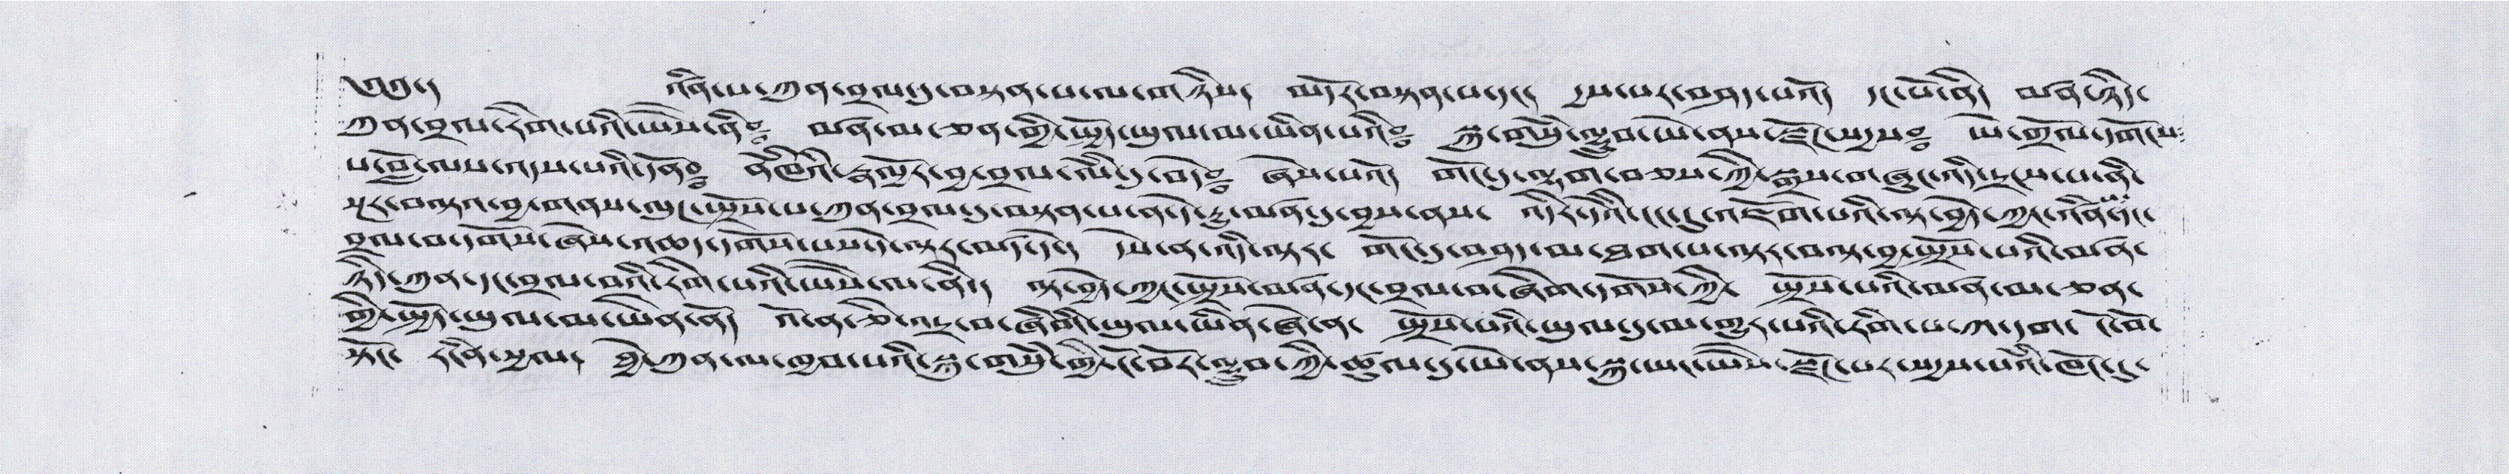འཛིན་པ་ཀུན་བྲལ་དུ་བསྟན་པ་ལ་གཉིས། མདོར་བསྟན་པ་དང་། རྒྱས་པར་བཤད་པའོ། དང་པོ་ནི། མཚན་ཉིད་
ཀུན་བྲལ་རིག་པའི་ཡེ་ཤེས་ནིཿ མཚན་མ་ཅན་གྱི་སྤྱོད་ཡུལ་མ་ཡིན་པའིཿ སྐུ་གསུམ་ལྷུན་གྲུབ་ཡེ་ནས་རྫོགས་སངས་རྒྱསཿ ཡེ་གྲོལ་དགོངས་
པ་བློ་ལས་འདས་པའི་དོནཿ ནམ་མཁའི་རྣལ་འབྱོར་བྱ་བྲལ་ལམ་དུ་བདེཿ ཞེས་པའོ། གོང་དུ་ལྷག་བཅས་ཀྱི་སྒྲས་གཞུང་འདི་དྲངས་པ་ནི་
སྔར་བལྟ་བྱ་གནས་ལུགས་སྤྲོས་པ་ཀུན་བྲལ་དུ་བསྟན་པ་ན་དེ་རྒྱུ་མཚན་དུ་བྱས་ནས། འདིར་དེའི་ངང་དུ་འཇོག་པའི་ལྟ་བྱེད་ཀྱང་འཛིན་པ་དང་
བྲལ་དགོས་ཞེས་འཆད་དགོས་པས་དེ་ལྟར་མཛད་དེ། དེས་ན་འདི་ལྟར། གོང་དུ་བཤད་མ་ཐག་པ་ལྟར་བལྟ་བྱ་སྤྲོས་པའི་མཚན་
ཉིད་ཀུན་དང་བྲལ་བའི་རིག་པའི་ཡེ་ཤེས་ལ་ནི། ལྟ་བྱེད་ཀྱང་སྤྲོས་མཚན་དང་བྲལ་བ་ཞིག་དགོས་ཀྱི། སྤྲོས་པའི་མཚན་མ་ཅན་
གྱི་སྤྱོད་ཡུལ་མ་ཡིན་ནོ། འོ་ན་ཅི་འདྲ་བ་ཞིག་གི་ཡུལ་ཡིན་ཞེ་ན། སྤྲོས་པའི་ཡུལ་དུ་མ་གྱུར་པའི་རིག་པ་ཀ་དག་ངོ་བོ་
སྟོང་། རང་བཞིན་གསལ། ཐུགས་རྗེ་ཀུན་ལ་ཁྱབ་པའི་སྐུ་གསུམ་གྱི་སྐུ་གསུམ་གྱི་ངོ་བོར་ལྷུན་གྲུབ་ཀྱི་ཚུལ་དུ་ཡེ་ནས་སྐུ་ཡང་ཡེ་ཤེས་རྫོགས་པར་སངས་རྒྱས་པའམ་ཁོང་དུ་